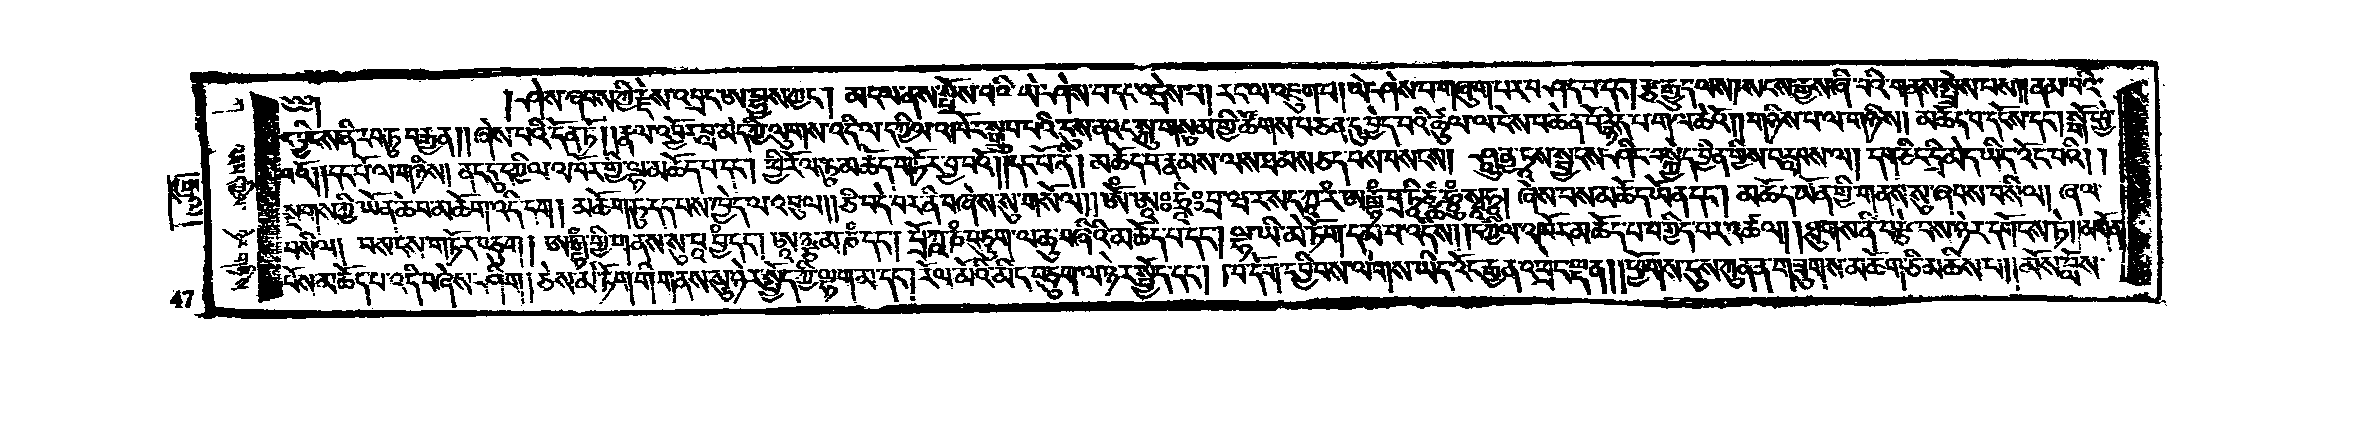༄༅། །ཤེས་ཞབས་ཀྱི་རྗེས་འབྲང་ཨ་བྷྱས?་ཀྱང་། མངལ་ནས་སྤྲོས་པའི་ཡེ་ཤེས་པ་དང་འདྲེས་པ། རང་ལ་འཇུག་པ། ཡེ་ཤེས་པ་གཞུག་པར་བཤད་པ་དང་། རྩ་རྒྱུད་ལས། སངས་རྒྱས་ཞི་བའི་གནས་སྤྲེས་པས། །ནམ་མཁའི་
དབྱིངས་ནི་རབ་ཏུ་བརྒྱན། །ཞེས་པའི་དོན་ཏོ། །རྣལ་འབྱོར་བླ་མེད་ཀྱི་ལུགས་འདི་ལ་དཀྱིལ་འཁོར་སྒྲུབ་པའི་དུས་ནའང་སྐུ་གསུམ་གྱི་ཚོགས་པ་ཅན་དུ་བྱེད་པའི་ཚུལ་ལ་ངེས་པ་ཆེན་པོ་རྙེད་པ་གལ་ཆེའོ། །གཉིས་པ་ལ་གཉིས། མཆོད་པ་དངོས་དང་། སྒོ་དབྱེ་
བའོ། །དང་པོ་ལ་གཉིས། ནང་དུ་དཀྱིལ་འཁོར་གྱི་ལྷ་མཆོད་པ་དང་། ཕྱི་རོལ་ཏུ་མཆོད་གཏོར་བྱ་བའོ། །དང་པོ་ནི། མཆོད་པ་རྣམས་ལས་ཐམས་ཅད་པས་བསངས། ཤཱུ་ནཡ་ཏཱས་སྦྱངས་ཤིང་བསྐྱེད་བྱིན་གྱིས་བརླབས་ལ། དག་ཅིང་དྲི་མེད་ཡིད་འོང་བའི། །
སྔགས་ཀྱི་ཡོན་ཆེ་བ་མཆོག་འདི་དག །མཆོག་ཏུ་དད་པས་ཁྱེད་ལ་འབུལ། །ཅི་བདེ་བར་ནི་བཞེས་སུ་གསོལ། །ཨོཾ་ཨཱཿ ཧྲཱིཿ པྲ་ཝ་ར་སད་ཀཱ་རཾ་ཨརགྷཾ་པྲ་ཏཱི་ཙྪ་ཧཱུཾ་སྭཱ་ཧཱ། ཞེས་པས་མཆོད་ཡོན་དང་། མཆོད་ཡོན་གྱི་གནས་སུ་ཞབས་བསིལ། ཞལ་
བསིལ། བསངས་གཏོར་བཅུག །ཨརགྷཾ་གྱི་གནས་སུ་པཱ་བྱཾ་དང་། ཨཱ་ཉྩ་མ་ཎཾ་དང་། པྲོ་ཀྵ་ཎཾ་བཅུག་ལ་ཆུ་བཞིའི་མཆོད་པ་དང་། ལྷ་ཡི་མེ་ཏོག་དམ་པ་འདེས། །དཀྱིལ་འཁོར་མཆོད་པ་བགྱིད་པར་འཚལ། །ཐུགས་ནི་བརྩེ་བས་ཉེར་དགོངས་ཏེ། །མགོན་
པོས་མཆོད་པ་འདི་བཞེས་ཤིག །ཅེས་མེ་ཏོག་གི་གནས་སུ་ཉེར་སྤྱོད་ཀྱི་ལྷག་མ་དང་། རོལ་མོའི་མིང་བཅུག་ལ་ཉེར་སྤྱོད་དང་། ཁ་དོག་དབྱིབས་ལགས་ཡིད་འོང་རྒྱན་འཕྲེང་ལྡན། །ཕྱོགས་དུས་ཀུན་ན་གཟུགས་མཆོག་ཅི་མཆིས་པ། །མོས་བློས་